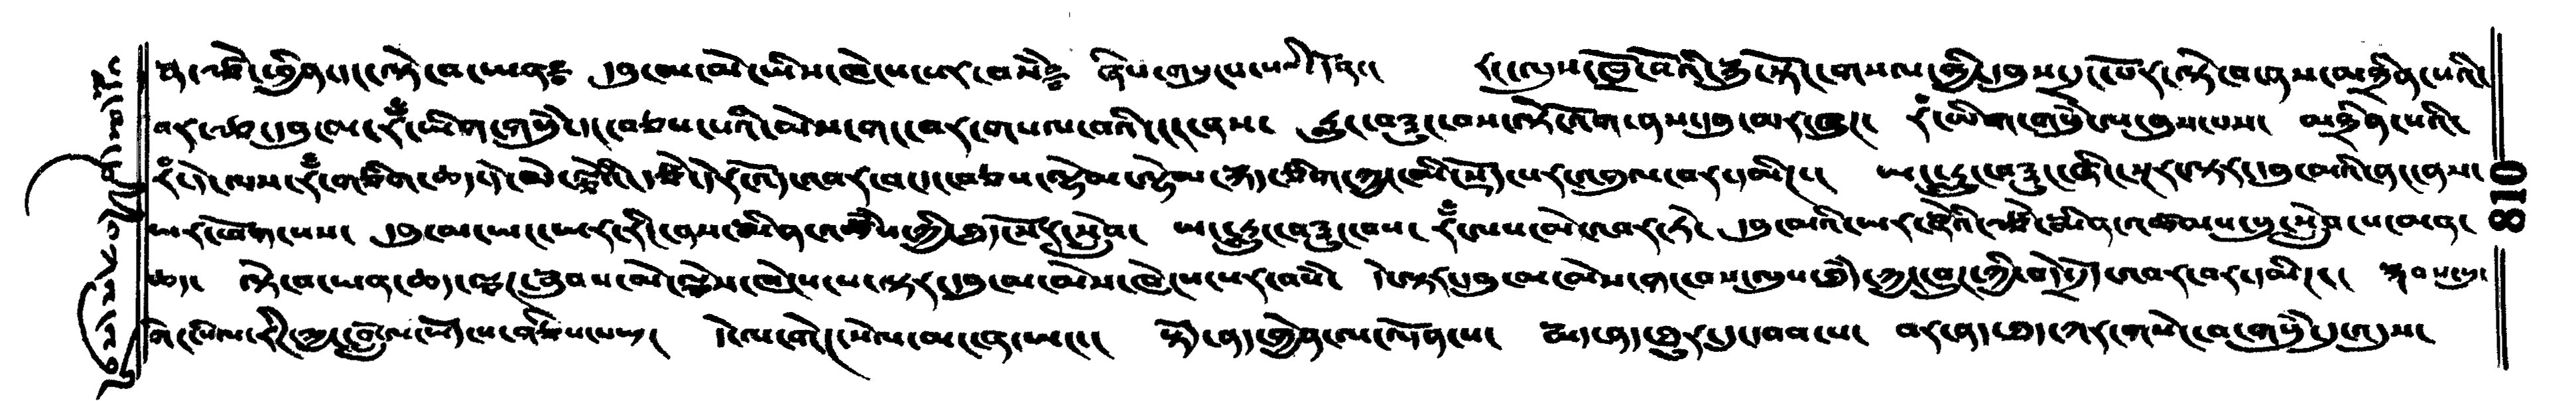སྣ་རྩེར་ཕྱིན་དང་ལྟེ་བ་ཡན༔ དབུ་མ་མེ་ཡིས་ཁེངས་པར་བསམ༔ ཞེས་གསུངས་པའི་དོན། རང་ལུས་ཁྲོ་བོའི་སྐུ་སྟོང་གསལ་གྱི་དབུས་དྲང་པོར་ལྟེ་བ་ནས་མགྲིན་པའི་
བར་རྩ་དབུ་མ་རྃ་ཡིག་གསུམ་དང་བཅས་པའི་མེས་གང་བར་གསལ་བའི་ངང་ནས། རླུང་བཟུང་བས་ལྟེ་འོག་ནས་དབུ་མར་ཞུགས། རྃ་ཡིག་གསུམ་ལ་བུས་པས། མགྲིན་པའི་
རྃ་དེ་ལས་རྃ་གཅིག་ཆད་དེ་མེ་ལྕེའི་རྩེ་དེར་འོད་འབར་བ་དང་བཅས་ལྷེམ་ལྷེམ་སྐད་ཅིག་ཀྱང་མི་སྡོད་པར་འགུལ་བར་དམིགས། ཡང་རླུང་བཟུང་ཞིང་སྔར་ལྟར་དབུ་མའི་ནང་ནས་
ཡར་ཕོག་པས། དབུ་མ་ཡང་ཡར་རིང་ནས་སྨིན་མཚམས་ཀྱི་ཐད་སོར་སླེབ། ཡང་རླུང་བཟུང་བས། རྃ་ལས་མེ་འབར་རེ། དབུ་མའི་ཡར་སྣེའི་རྩེ་སྨིན་འཚམས་སུ་སླེབ་པ་མན་
ཆད། ལྟེ་བ་ཡན་ཆད་ལྕགས་སྦུབས་མེ་ལྕེས་ཁེངས་པ་ལྟར་དབུ་མ་མེས་ཁེངས་པར་བསམ། དེ་ལྟར་དབུ་མ་མེས་གང་བས་ལུས་ཐམས་ཅད་ཤུགས་ཀྱི་བདེ་དྲོད་འབར་བར་དམིགས། སྐབས་སུ་
གེགས་སེལ་རིགས་ཀྱང་བློ་ལ་ཡོད་པ་གཅེས་པས། དེ་ལ་གེགས་སེལ་མང་ན་ཡང་། སྟོད་ནད་གྱེན་ལ་འདོན་པ།སྨད་ནད་ཐུར་དུ་དབབ་པ། བར་ནད་ཐད་ཀར་གསེང་བ་གསུམ་དུ་འདུས།